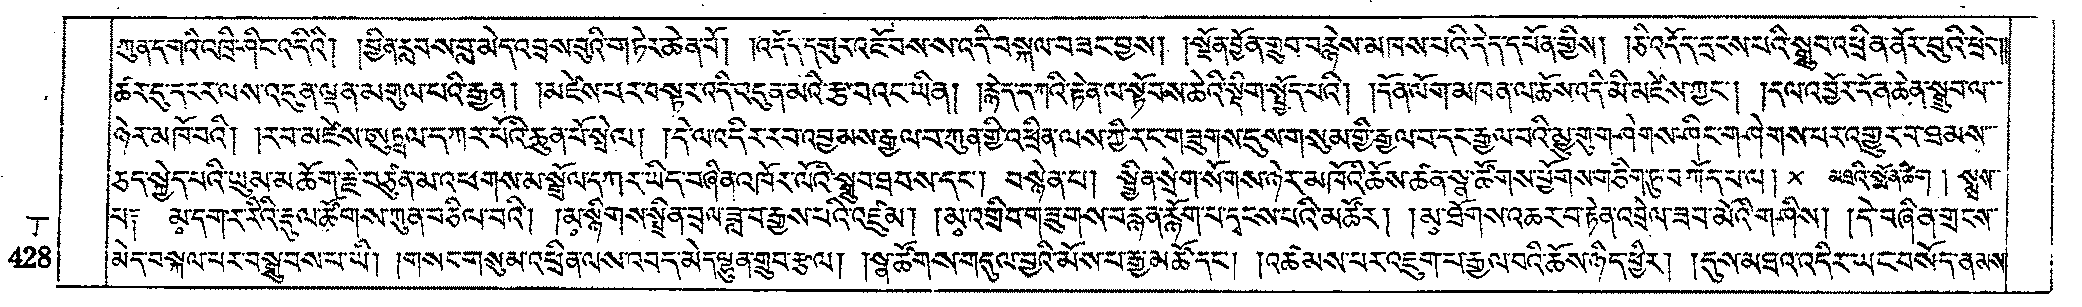ཀུན་དགའི་འཁྲི་ཤིང་འདིའི། །བྱིན་རླབས་བླ་མེད་འབྲས་བུའི་གཏེར་ཆེན་པོ། །འདོད་དགུར་འཇོ་བས་ས་འདི་བསྐལ་བཟང་བྱས། །སྔོན་བྱོན་གྲུབ་བརྙེས་མཁས་པའི་དེད་དཔོན་གྱིས། །ཅི་འདོད་དྲངས་པའི་སྒྲུབ་འཕྲིན་ནོར་བུའི་ཕྲེང།།
ཚར་དུ་དངར་ལས་འདུན་ལྡན་མགུལ་པའི་རྒྱན། །མཛེས་པར་བསྟར་འདི་འདུན་མའི་རྩ་བའང་ཡིན། །རྙེད་དཀའི་རྟེན་ལ་སྟོབས་ཆེའི་སྡིག་སྤྱོད་པའི། །དོན་ལོག་མཁན་ལ་ཆོས་འདི་མི་མཛེས་ཀྱང་། །དལ་འབྱོར་དོན་ཆེན་སྒྲུབ་ལ་་་
ཉེར་མཁོ་བའི། །རབ་མཛེས་ཨུཏྤལ་དཀར་པོའི་ཆུན་པོ་སྤེལ། །དེ་ལ་འདིར་རབ་འབྱམས་རྒྱལ་བ་ཀུན་གྱི་འཕྲིན་ལས་ཀྱི་རང་གཟུགས་དུས་གསུམ་གྱི་རྒྱལ་བ་དང་རྒྱལ་བའི་མྱུ་གུ་གཤེགས་ཤིང་གཤེགས་པར་འགྱུར་བ་ཐམྶ་་་
ཅད་སྐྱེད་པའི་ཡུམ་མཆོག་རྗེ་བཙུན་མ་འཕགས་མ་སྒྲོལ་དཀར་ཡིད་བཞིན་འཁོར་ལོའི་སྒྲུབ་ཐམས་དང་། བསྙེན་པ། སྦྱིན་སྲེག་སོགས་ཉེར་མཁོའི་ཆོས་ཚན་སྣ་ཚོགས་ཕྱོགས་གཅིག་ཨུ་བཀོད་པ་ལ། ྾་མཐའི་སྨོན་ཚིག།  སྨྲས་་་
པ༑ མ྾་དར་ར་རིའི་རྡུལ་ཚོགས་ཀུན་བཅིལ་བའི། །མ྾་སྙིགས་སྤྲིན་བྲལ་ཟླ་བ་རྒྱས་པའི་འཛུམ། །མོ་འགྲིབ་གཟུགས་བརྙན་རྙོག་པ་དྭངས་པའི་མཚོར། །མ྾་ཐོགས་འཆར་བ་རྟེན་འབྲེལ་ཟབ་མོའི་གཤིས། །དེ་བཞིན་གྲངྶ་་་
མེད་བསྐལ་པར་བསྒྲུབས་པ་ཡི། །གསང་གསུམ་འཕྲིན་ལས་འབད་མེད་ལྷུན་གྲུབ་རྩལ། །སྣ་ཚོགས་གདུལ་བྱའི་མོས་པ་རྒྱ་མཚོ་དང་། །འཚམས་པར་འཇུག་པ་རྒྱལ་བའི་ཆོས་ཉིད་ཕྱིར། །དུས་མཐའ་འདིར་ཡང་བསོད་ནམས་